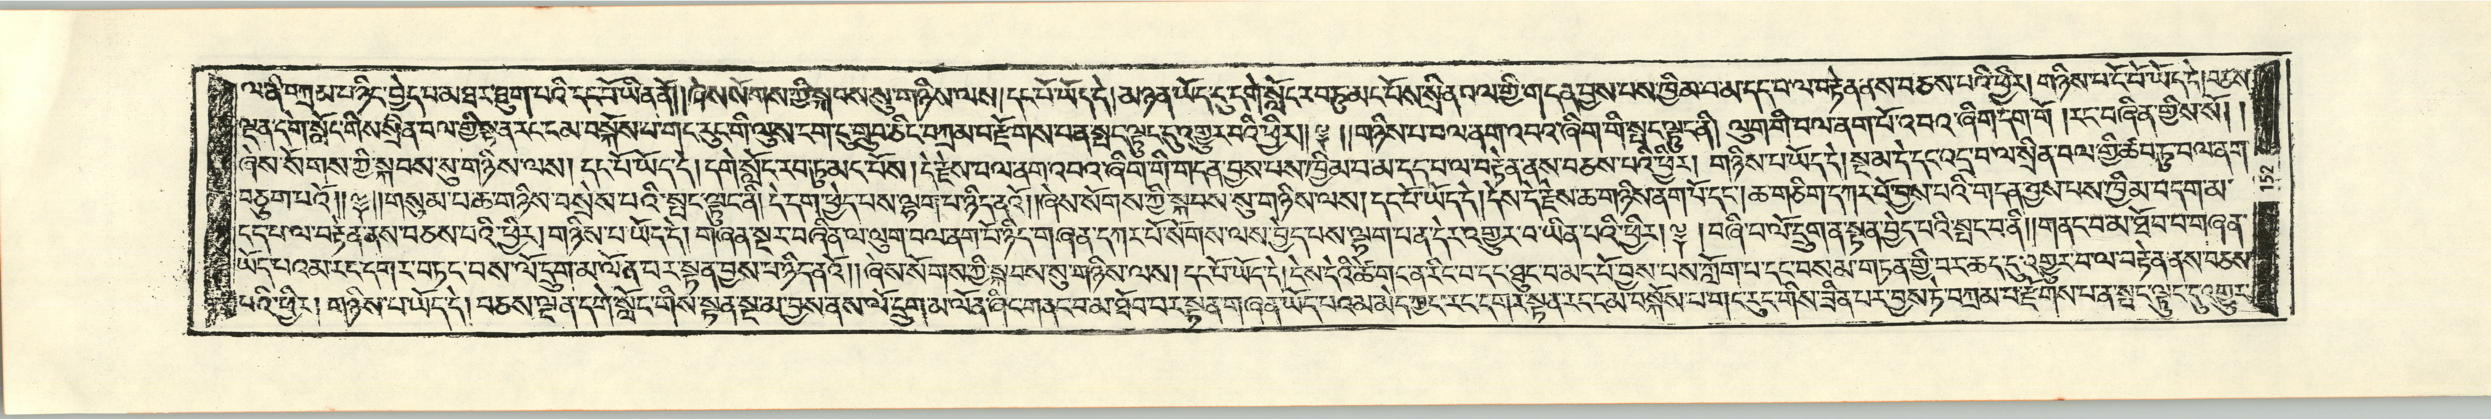ལ་ནི་བཀྲམ་པ་ཉིད་བྱེད་པ་མཐར་ཐུག་པའི་དང་པོ་ཡིན་ནོ། །ཞེས་སོགས་ཀྱི་སྐབས་སུ་གཉིས་ལས། དང་པོ་ཡོད་དེ། མཉན་ཡོད་དུ་དགེ་སློང་རབ་ཏུ་མང་པོས་སྲིན་བལ་གྱི་གདན་བྱས་པས་ཁྱིམ་བ་མ་དད་པ་ལ་བརྟེན་ནས་བཅས་པའི་ཕྱིར། གཉིས་པ་ངོ་བོ་ཡོད་དེ། བཅས་
ལྡན་དགེ་སློང་གིས་སྲིན་བལ་གྱི་སྟན་རང་ངམ་བསྐོས་པ་གང་རུང་གི་ལུས་ངག་དུ་གྲུབ་ཅིང་བཀྲམ་པ་རྫོགས་པ་ན་སྤང་ལྟུང་དུ་འགྱུར་པའི་ཕྱིར།། ༈ །།གཉིས་པ་བལ་ནག་འབའ་ཞིག་གི་སྤང་ལྟུང་ནི། ལུག་གི་བལ་ནག་པོ་འབའ་ཞིག་དག་གོ །རང་བཞིན་གྱིས་སོ། །
ཞེས་སོགས་ཀྱི་སྐབས་སུ་གཉིས་ལས། དང་པོ་ཡོད་དེ། དགེ་སློང་རབ་ཏུ་མང་པོས། དེ་རྗེས་བལ་ནག་འབའ་ཞིག་གི་གདན་བྱས་པས་ཁྱིམ་པ་མ་དད་པ་ལ་བརྟེན་ནས་བཅས་པའི་ཕྱིར། གཉིས་པ་ཡོད་དེ། སྔ་མ་དེ་དང་འདྲ་བ་ལ་སྲིན་བལ་གྱི་ཚབ་ཏུ་བལ་ནག་
བཅུག་པའོ།། ༈ །།གསུམ་པ་ཆ་གཉིས་བསྲེས་པའི་སྤང་ལྟུང་ནི། དེ་དག་ཕྱེད་པས་ལྷག་པ་ཉིད་ནའོ། །ཞེས་སོགས་ཀྱི་སྐབས་སུ་གཉིས་ལས། དང་པོ་ཡོད་དེ། དེས་དེ་རྗེས་ཆ་གཉིས་ནག་པོ་དང་། ཆ་གཅིག་དཀར་པོ་བྱས་པའི་གདན་བྱས་པས་ཁྱིམ་བདག་མ་
དད་པ་ལ་བརྟེན་ནས་བཅས་པའི་ཕྱིར། གཉིས་པ་ཡོད་དེ། གཞན་སྔར་བཞིན་ལ་ལུག་བལ་ནག་པོ་ཉིད་གཞན་དཀར་པོ་སོགས་ལས་བྱེད་པས་ལྷག་པ་ན་དེར་འགྱུར་བ་ཡིན་པའི་ཕྱིར། ༈ །བཞི་པ་ལོ་དྲུག་ན་སྟན་བྱེད་པའི་སྤང་བ་ནི། །གནང་བ་མ་ཐོབ་པ་གཞན་
ཡོད་པའམ་རང་དགར་བཏང་བས་ལོ་དྲུག་མ་ལོན་པར་སྟན་བྱས་པ་ཉིད་ནའོ། །ཞེས་སོགས་ཀྱི་སྐབས་སུ་གཉིས་ལས། དང་པོ་ཡོད་དེ། དེས་དེའི་ཚེ་གང་ན་རིང་བ་དང་ཐུང་བ་མང་པོ་བྱས་པས་ཀློག་པ་དང་བསམ་གཏན་གྱི་བར་ཆད་དུ་འགྱུར་བ་ལ་བརྟེན་ནས་བཅས་
པའི་ཕྱིར། གཉིས་པ་ཡོད་དེ། བཅས་ལྡན་དགེ་སློང་གིས་སྟན་སྔ་མ་བྱས་ནས་ལོ་དྲུག་མ་ལོན་ཞིང་གནང་བ་མ་ཐོབ་པར་སྟན་གཞན་ཡོད་པའམ་མེད་ཀྱང་རང་དགར་སྟན་རང་དམ་བསྐོས་པ་གང་རུང་གིས་ཟིན་པར་བྱས་ཏེ་བཀྲམ་པ་རྫོགས་པ་ན་སྤང་ལྟུང་དུ་འགྱུར་